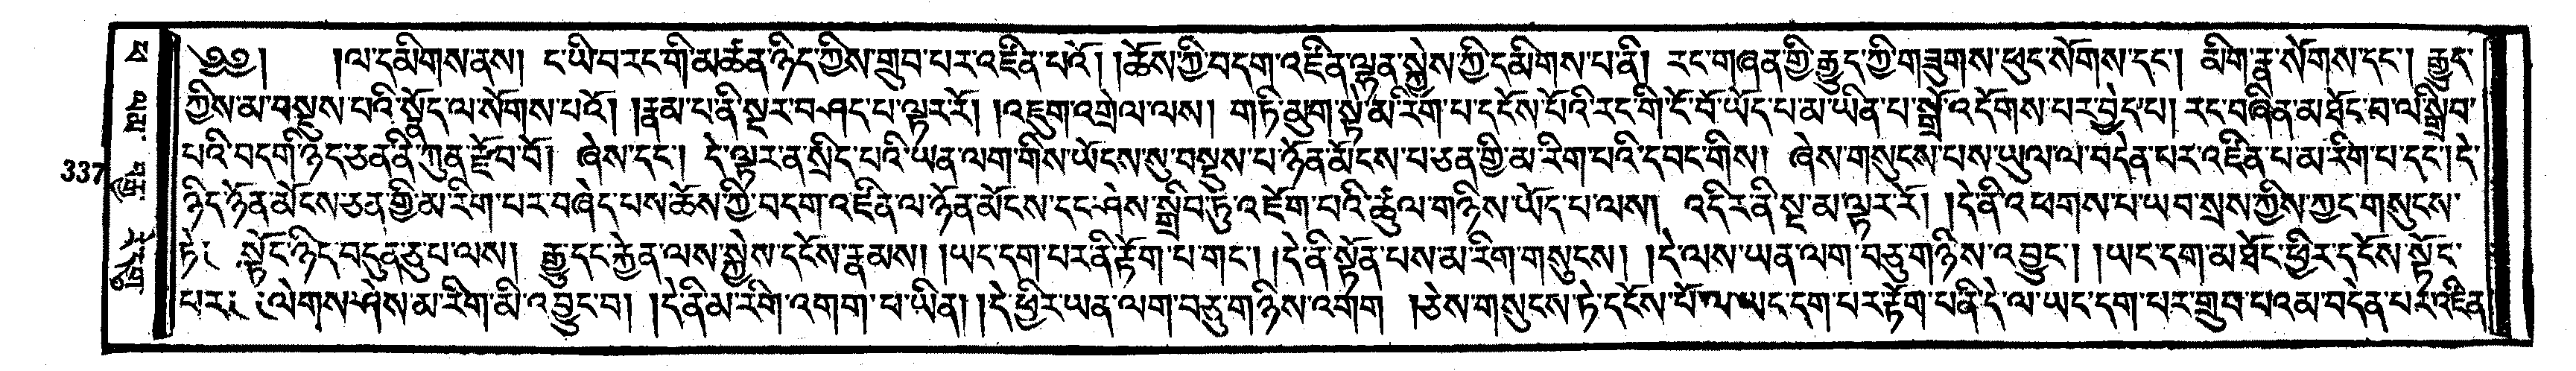༄༅། །ལ་དམིགས་ནས། ང་ཡི་བ་རང་གི་མཚན་ཉིད་ཀྱིས་གྲུབ་པར་འཛིན་པའོ། །ཆོས་ཀྱི་བདག་འཛིན་ལྷན་སྐྱེས་ཀྱི་དམིགས་པ་ནི། རང་གཞན་གྱི་རྒྱུད་ཀྱི་གཟུངས་ཕུང་སོགས་དང་། མིག་རྣ་སོགས་དང་། རྒྱུད་
ཀྱིས་མ་བསྡུས་པའི་སྣོད་ལ་སོགས་པའོ། །རྣམ་པ་ནི་སྔར་བཤད་པ་ལྟར་རོ། །འཇུག་འགྲེལ་ལས། གཏི་མུག་སྟེ་མ་རིག་པ་དངོས་པོའི་རང་གི་ངོ་བོ་ཡོད་པ་མ་ཡིན་པ་སྒྲོ་འདོགས་པར་བྱེད་པ། རང་བཞིན་མཐོང་བ་ལ་སྒྲིབ་
པའི་བདག་ཉིད་ཅན་ནི་ཀུན་རྫོབ་བོ། །ཞེས་དང་། དེ་ལྟར་ན་སྲིད་པའི་ཡན་ལག་གིས་ཡོངས་སུ་བསྡུས་པ་ཉོན་མོངས་པ་ཅན་གྱི་མ་རིག་པའི་དབང་གིས། ཞེས་གསུངས་པས་ཡུལ་ལ་བདེན་པར་འཛིན་པ་མ་རིག་པ་དང་། དེ་
ཉིད་ཉོན་མོངས་ཅན་གྱི་མ་རིག་པར་བཞེད་པས་ཆོས་ཀྱི་བདག་འཛིན་ལ་ཉོན་མོངས་དང་ཤེས་སྒྲིབ་ཏུ་འཇོག་པའི་ཚུལ་གཉིས་ཡོད་པ་ལས། འདིར་ནི་སྔ་མ་ལྟར་རོ། །དེ་ནི་འཕགས་པ་ཡབ་སྲས་ཀྱིས་ཀྱང་གསུངས་
ཏེ༑ སྟོང་ཉིད་བདུན་ཅུ་པ་ལས། རྒྱུ་དང་རྐྱེན་ལས་སྐྱེས་དངོས་རྣམས། །ཡང་དག་པར་ནི་རྟོག་པ་གང་། །དེ་ནི་སྟོན་པས་མ་རིག་གསུངས། །དེ་ལས་ཡན་ལག་བཅུ་གཉིས་འབྱུང་། །ཡང་དག་མཐོང་ཕྱིར་དངོས་སྟོང་
པར༑ ༑ལེགས་ཤེས་མ་རིག་མི་འབྱུང་བ། །དེ་ནི་མ་རིག་འགག་པ་ཡིན། །དེ་ཕྱིར་ཡན་ལག་བཅུ་གཉིས་འགག །ཅེས་གསུངས་ཏེ་དངོས་པོ་ལ་ཡང་དག་པར་རྟོག་པ་ནི་དེ་ལ་ཡང་དག་པར་གྲུབ་པའམ་བདེན་པར་འཛིན་